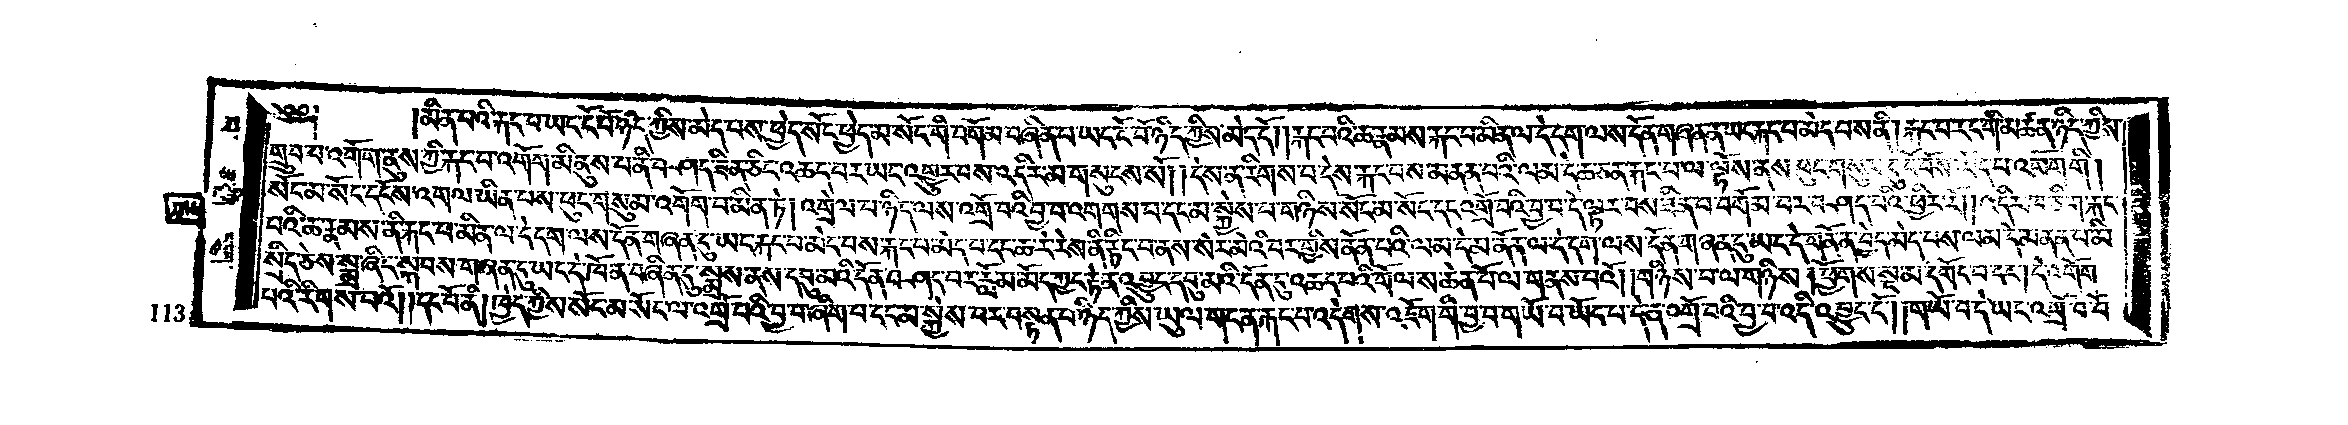༄༅། །མིན་པའི་རྐང་པ་ཡང་ངོ་བོ་ཉིད་ཀྱིས་མེད་པས་ཕྱེད་སོང་ཕྱེད་མ་སོང་གི་བགོམ་བཞིན་པ་ཡང་ངོ་བོ་ཉིད་ཀྱིས་མེད་དོ། །རྐང་བའི་ཆ་རྣམས་རྐང་བ་མིན་ལ་དེ་དག་ལས་དོན་གཞན་ན་ཡང་རྐང་པ་མེད་པས་ནི། རྐང་པ་རང་གི་མཚན་ཉིད་ཀྱིས་
གྲུབ་པ་འགོག་ནུས་ཀྱི་རྐང་པ་འགོག་མི་ནུས་པ་ནི་བཤད་ཟིན་ཅིང་འཆད་པར་ཡང་འགྱུར་བས་འདིར་མ་གསུངས་སོ། །དེས་ན་རིགས་པ་དེས་རྐང་པས་མནན་པའི་ལམ་དེ་ཆ་ཅན་རྐང་པ་ལ་ལྟོས་ནས་ཕུང་གསུམ་དུ་ངོ་བོས་ཡོད་པ་འགོག་གི།
སོང་མ་སོང་དངོས་འགལ་ཡིན་པས་ཕུང་གསུམ་འགོག་པ་མིན་ཏེ། འགྲེལ་པ་ཉིད་ལས་འགྲོ་བའི་བྱ་བ་འགགས་པ་དང་མ་སྐྱེས་པ་གཉིས་སོང་མ་སོང་དང་འགྲོ་བའི་བྱ་བ་དེ་ལྟར་བས་ཟིན་པ་བགོམ་པར་བཤད་པའི་ཕྱིར་རོ། །འདིར་ཁ་ཅིག་རྐང་
བའི་ཆ་རྣམས་ནི་རྐང་པ་མིན་ལ་དེ་དག་ལས་དོན་གཞན་དུ་ཡང་རྐང་པ་མེད་པས་རྐང་པ་མེད་པ་དང་ཆ་རེ་རེས་ནི་རྟིང་པ་ནས་སེར་མོའི་བར་གྱིས་ནོན་པའི་ལམ་དེ་མ་ནོན་ལ་དེ་དག་ལས་དོན་གཞན་དུ་ཡང་དེ་གནོན་བྱེད་མེད་པས་ལམ་དེ་མནན་པ་མི་
སྲིད་ཅེས་སྨྲ་ཞིང་སྐབས་གཞན་དུ་ཡང་དེ་ཁོ་ན་བཞིན་དུ་སྨྲས་ནས་དབུ་མའི་དོན་བཤད་པར་རློམ་མོད་ཀྱང་རྟེན་འབྱུང་དབུ་མའི་དོན་དུ་འཆད་པའི་གོལ་ས་ཆེན་པོ་ལ་གནས་པའོ། །གཉིས་པ་ལ་གཉིས་།ཕྱོགས་སྔ་མ་དགོང་བ་དང་། དེ་འགོག་
པའི་རིགས་པའོ། །དང་པོ་ནི། ཁྱེད་ཀྱིས་སོང་མ་སོང་ལ་འགྲོ་བའི་བྱ་བ་ཞིག་པ་དང་མ་སྐྱེས་པར་བསྟན་པ་ཉིད་ཀྱིས་ཡུལ་གང་ན་རྐང་པ་འདེགས་འཇོག་གི་བྱ་བ་གཡོ་བ་ཡོད་པ་དེ་ན་འགྲོ་བའི་བྱ་བ་འདི་འབྱུང་ངོ། །གཡོ་བ་དེ་ཡང་འགྲོ་བ་བོ་